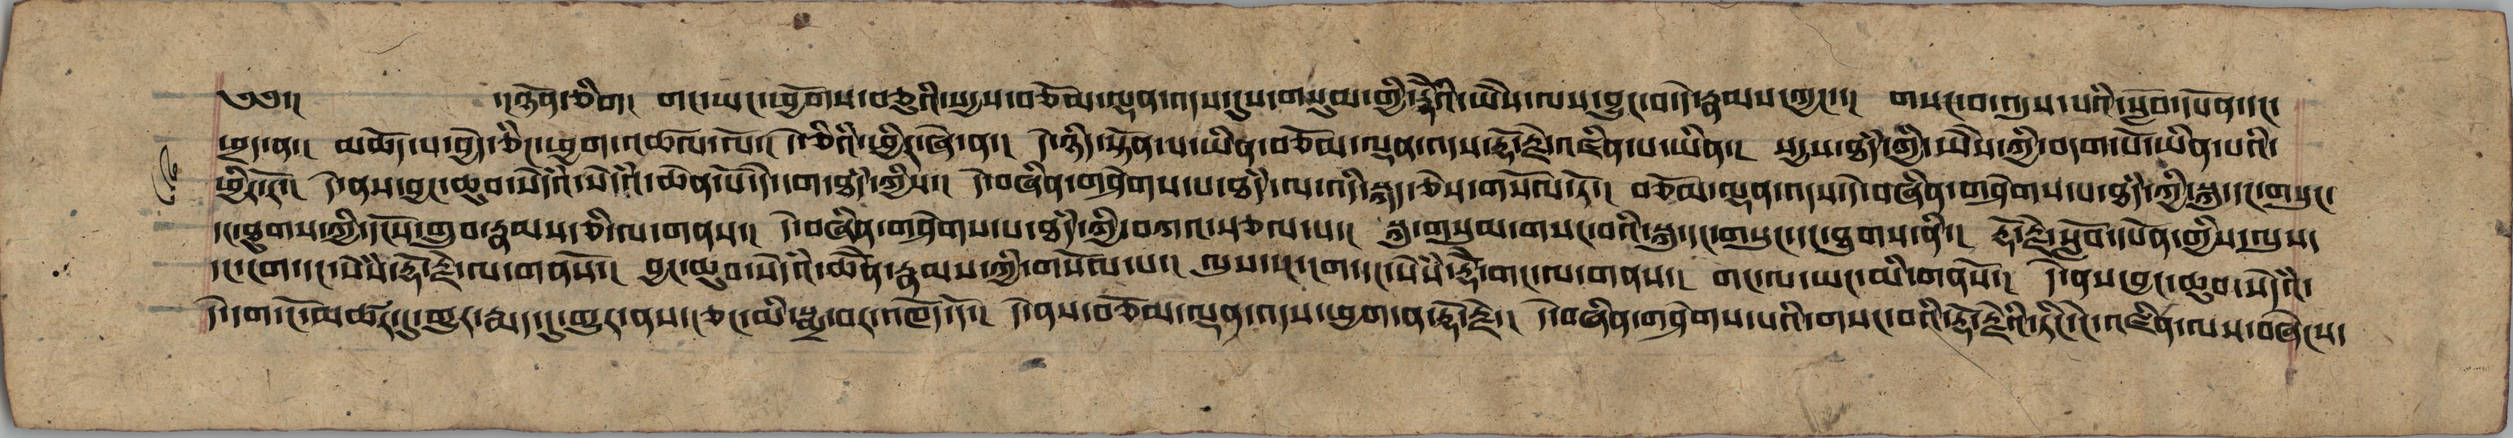༄༅་། ་།ཉོན་ཅིག། གང་ཡང་ཕྱོགས་བཅུའི་སདྱས་བཅོམ་ལྡན་འདས་དུས་གསུམ་གྱི་རྡོེའི་ཡཻས་ལས་བྱུང་བ་དེ་རྣམས་ཀྱང་་། གསང་བ་འདུས་པའི་སློབ་དཔོན་དང་
ཕྲད་ན་། མཆོད་པ་བྱེད་ཅིང་ཕྱག་འཚལ་ལོ་། དེ་ཅིའི་ཕྱིར་ཞེ་ན་། དེ་ཉིད་སྟོན་པ་ཡིན་བཅོམ་ལྡན་འདས་རྡོ་རྗེ་འཛིན་པ་ཡིན་། སདྱས་ཐདཾ་གྱི་ཡཻས་ཀྱི་བདག་པོ་ཡིན་པའི་
ཕྱིར་རོ་། དེ་ནས་བྱང་ཆུབ་སེདའཾ་སེདའཾ་ཆེན་པོ་དེ་དག་ཐཾད་ཀྱིས་། དེ་བཞིན་གཤེགས་པ་ཐཾད་ལ་འདི་སྐད་ཅེས་གསོལ་ཏོ་། བཅོམ་ལྡན་འདས་དེ་བཞིན་གཤེགས་པ་ཐཾད་ཀྱི་སྐུ་དང་གསུང་
དང་ཐུགས་ཀྱི་དངོས་གྲུབ་རྣམས་ཅི་ལ་གནས་། དེ་བཞིན་གཤེགས་པ་ཐཾད་ཀྱི་བཀའ་སྩལ་པ་། སྐུ་གསུམ་གསང་བའི་སྐུ་དང་གསུང་དང་ཐུགས་ནི་། རྡོ་རྗེ་སློབ་དཔོན་གྱིས་ལུས་
དང་ངག་དང་སེསཾ་རྡོ་རྗེ་ལ་གནསོ་། བྱང་ཆུབ་སེདཾའ་ཆེནོ་རྣམས་ཀྱི་གསོལ་པ་། ལུས་དང་ངག་དང་སེསཾ་རྡོེ་གང་ལ་གནས་། གང་ལ་ཡང་མི་གནསོ་། དེ་ནས་བྱང་ཆུབ་སེདཾའ་
དེ་དག་ངོ་མཚར་དུ་གྱུར་རྨད་དུ་གྱུར་ནས་ངཅང་མི་སྨྲ་བར་འཁོད་དོ་། དེ་ནས་བཅོམ་ལྡན་འདས་ཕྱག་ན་རྡོ་རྗེ་། དེ་བཞིན་གཤེགས་པའི་གསང་བའི་རྡོ་རྗེའི་ཏིང་ངེ་འཛིན་ལས་བཞེངས་